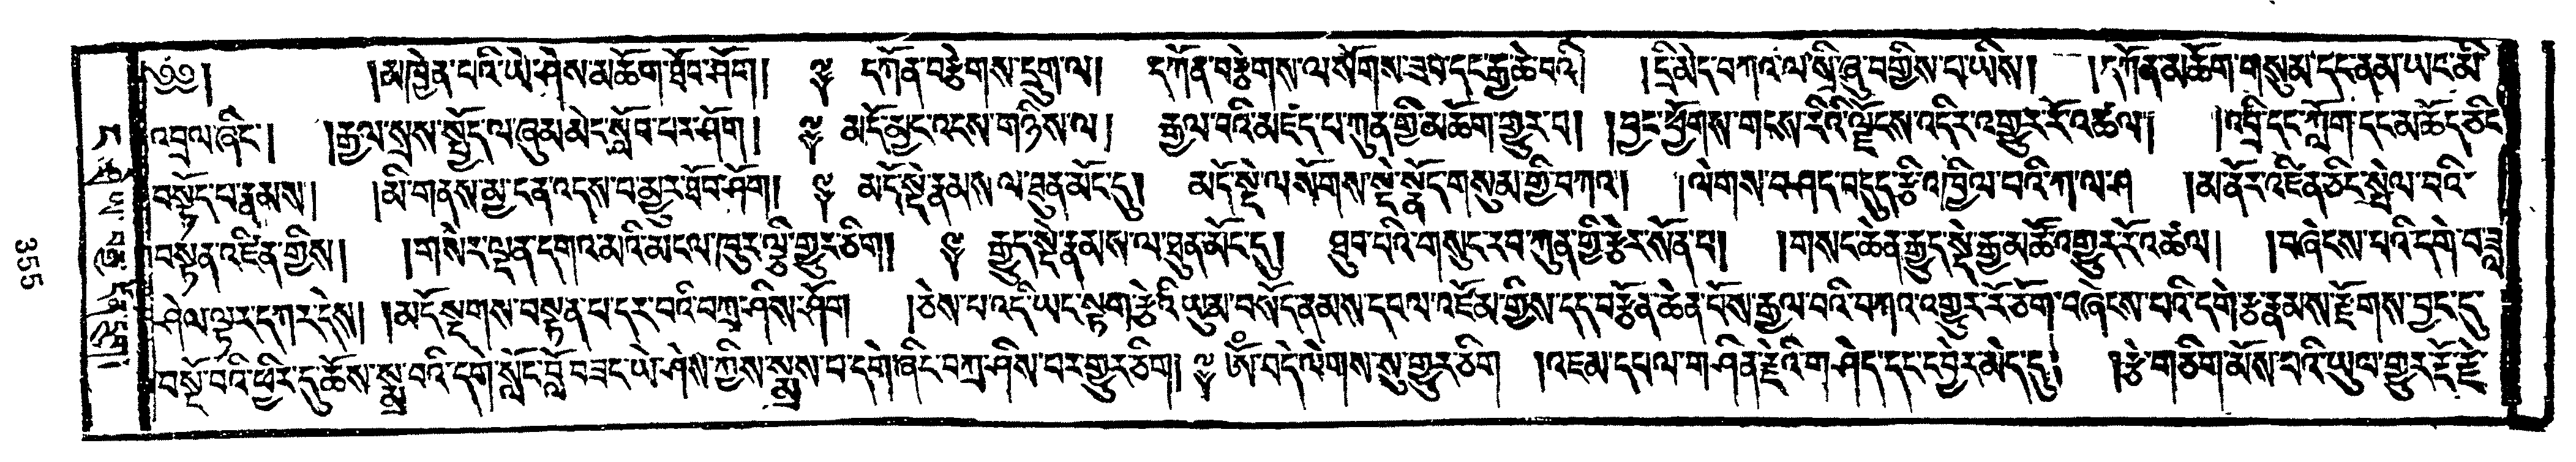༄༅། །མཁྱེན་པའི་ཡེ་ཤེས་མཆོག་ཐོབ་ཤོག། ༈ དཀོན་བརྩེགས་དྲུག་ལ། དཀོན་བརྩེགས་ལ་སོགས་ཟབ་དང་རྒྱ་ཆེ་བའི། །དྲི་མེད་བཀའ་ལ་སྲི་ཞུ་བགྱིས་པ་ཡིས། །དཀོན་མཆོག་གསུམ་དང་ནམ་ཡང་མི་
འབྲལ་ཞིང་། །རྒྱལ་སྲས་སྤྱོད་ལ་ཞུམ་མེད་སློབ་པར་ཤོག། ༈ མདོ་མྱང་འདས་གཉིས་ལ། རྒྱལ་བའི་མཛད་པ་ཀུན་གྱི་མཆོག་གྱུར་བ། །བྱང་ཕྱོགས་གངས་རིའི་ལྗོངས་འདིར་འགྱུར་རོ་འཚལ། །འབྲི་དང་ཀློག་དང་མཆོད་ཅིང་
བསྟོད་པ་རྣམས། །མི་གནས་མྱ་ངན་འདས་བ་མྱུར་ཐོབ་ཤོག། ༈ རྒྱུད་སྡེ་རྣམས་ལ་ཐུན་མོང་དུ། ཐུབ་པའི་གསུང་རབ་ཀུན་གྱི་རྩེར་སོན་པ། །གསང་ཆེན་རྒྱུད་སྡེ་རྒྱ་མཚོ་འགྱུར་རོ་འཚལ། །བཞེངས་པའི་དགེ་བ་ཟླ་
བསྟན་འཛིན་གྱིས། །གསེར་ལྡན་དགའ་མའི་མངལ་འཁུར་ལྕི་གྱུར་ཅིག། ༈ རྒྱུད་སྡེ་རྣམས་ལ་ཐུན་མོང་དུ། ཐུབ་པའི་གསུང་རབ་ཀུན་གྱིས་རྩེར་སོན་པ། །འགྶང་ཆེན་རྒྱུད་སྡེ་རྒྱ་མཚོ་འགྱུར་རོ་འཚལ། །བཞེངས་པའི་དགེ་བ་ཟླ་
ཤེལ་ལྟར་དཀར་དེས། །མདོ་སྔགས་བསྟན་པ་དར་པའི་བཀྲ་ཤིས་ཤོག །ཅེས་པ་འདི་ཡང་སྟག་རྩེའི་ཡུམ་བསོད་ནམས་དབལ་འཛོམ་གྱིས་དད་བརྩོན་ཆེན་པོས་རྒལ་བའི་བཀའ་འགྱུར་རོ་ཅིག་བཞེངས་པའི་དགེ་རྩ་རྣམས་རྫོགས་བྱང་དུ་
བསྡོ་བའི་ཕྱིར་དུ་ཆོས་སྨྲ་བའི་དགེ་སློང་བླཽ་བཟང་ཡེ་ཤེས་ཀྱིས་སྨྲས་པ་དགེ་ཞིང་བཀྲ་ཤིས་པར་གྱུར་ཅིག། ༈ ཨོཾ་བདེ་ལེགས་སུ་གྱུར་ཅིག། །འཇམ་དཔལ་གཤིན་རྗེའི་གཤེད་དང་དབྱེར་མེད་དུ། །རྩེ་གཅིག་མོས་པའི་ཡུལ་གྱུར་རྡོ་རྗེ་